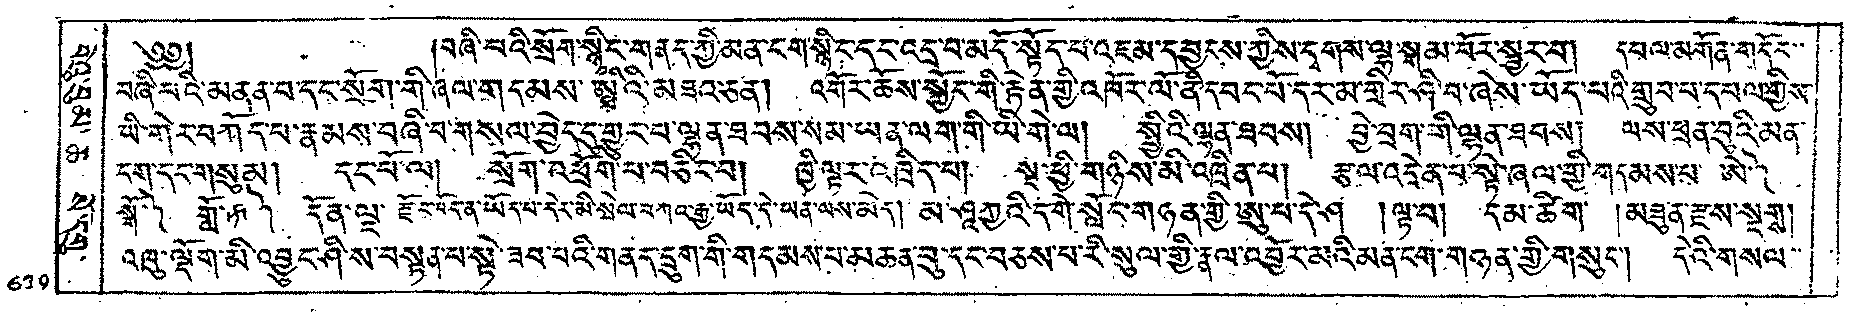༄༅། །བཞི་པའི་སྲོག་སྙིང་གནད་ཀྱི་མན་ངག་སྙིང་དང་འདྲ་བ་མདོ་སྟོད་པ་འཇམ་དབྱངས་ཀྱིས་དྭགས་ལྷ་སྒམ་པོར་སྦྱར་བ། དཔལ་མགོན་གདོང་
བཞི་པའི་མནན་པ་དང་སྲོག་གི་ཞལ་གདམས་ཨྀཐིའི་མཐའ་ཅན། འགོར་ཆོས་སྐྱོང་གི་རྟེན་གྱི་འཁོར་ལོ་ནི་དབང་པོ་དར་མ་གྲིར་ཤི་བ་ཞེས་ཡོད་པའི་གྲུབ་པ་དཔལ་གྱིས་
ཡི་གེར་བཀོད་པ་རྣམས་བཞི་པ་གསལ་བྱེད་དུ་གྱུར་པ་ལྷན་ཐབས་སམ་ཡན་ལག་གི་ཡི་གེ་ལ། སྤྱིའི་ལྷན་ཐབས། བྱེ་བྲག་གི་ལྷན་ཐབས། ལས་ཕྲན་བུའི་མན་
ངག་དང་གསུམ། དང་པོ་ལ། སྲོག་འཕྲོག་པ་བཅིང་བ། ཁྱི་ལྟར་འཁྲིད་པ། སྔ་ཕྱི་གཉིས་མི་འཁྲིན་པ། རྩལ་འདྲེན་པ་སྟེ་ཞལ་གྱི་གདམས་པ་ཨ྄ེ
སྒ྄ོ་གློ~྾?་དོན་ལྔ་རྫོང་པོད་ན་ཡོད་པ་དེར་མི་སྤེལ་བཀའ་རྒྱ་ཡོད་དེ་ཡན་ལས་མེད།  མ་ཤཱཀྱའི་དགེ་སློང་གཉན་གྱི་ཨུ་པ་དེ་ཤ་།ལྟ་བ། དམ་ཚིག །མཐུན་རྫས་སྔགས།
འཁུ་ལྡོག་མི་འབྱུང་ཤིས་བསྟན་པ་སྟེ་ཟབ་པའི་གནད་དྲུག་གི་གདམས་པ་མཆན་བུ་དང་བཅས་པ་རི་སུལ་གྱི་རྣལ་འབྱོར་མའི་མན་ངག་གཉན་གྱི་གསུང་། དེའི་གསལ་